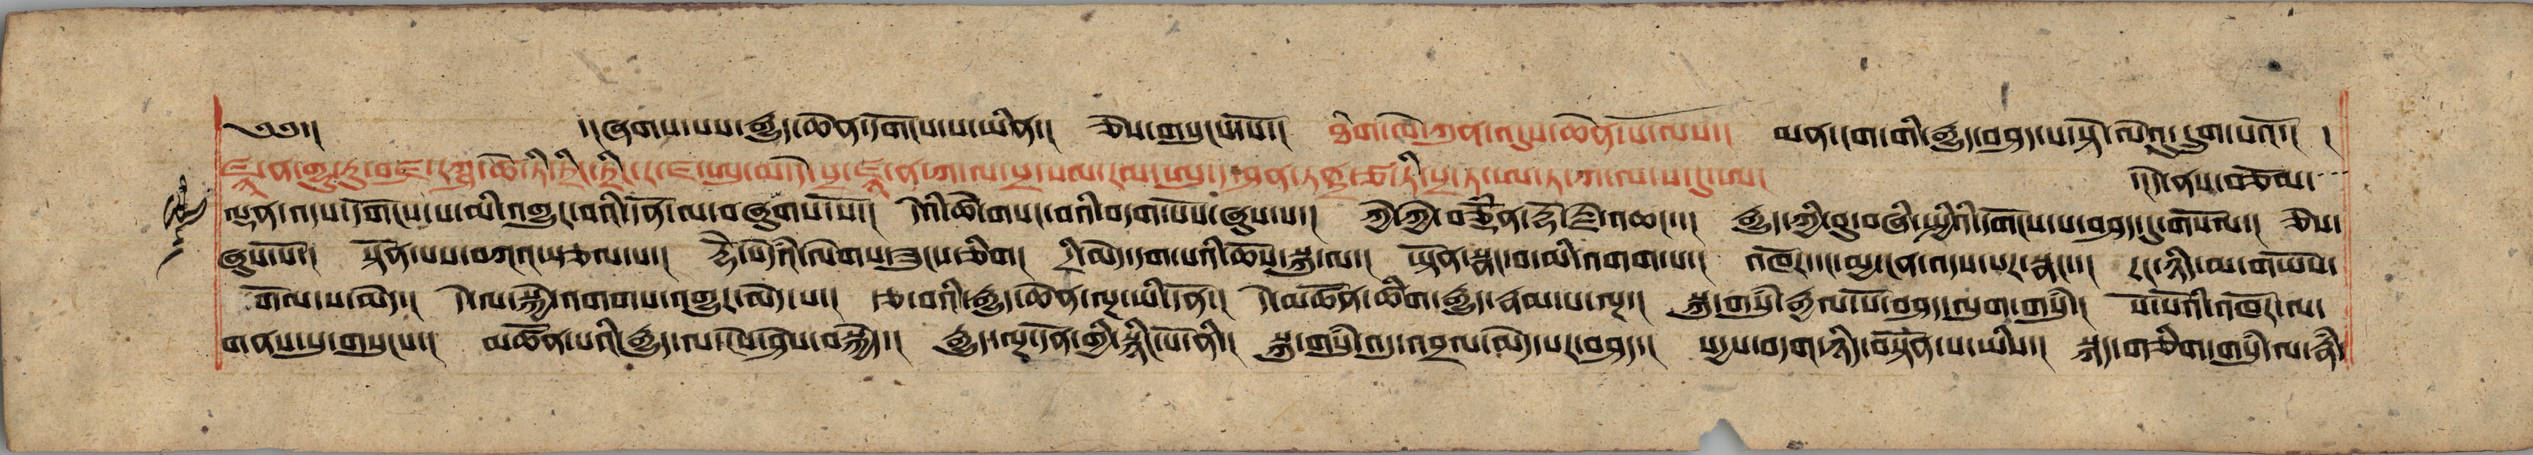༄༅་། ་།ཞགས་པས་རྒྱུད་ཆེན་དགོངས་པ་ཡིན་། ཅེས་གསུངས་སོ་། ཐིག་ལེ་ཀུན་འདུས་ཆེན་པོ་ལས་། མན་ངག་གི་རྒྱུད་བཤད་པ་སྟེ་ལེའུ་དྲུག་པའོ་།
ཛྙཱ་ན་གྷུ་རུ་བཛྲ་རཀྴ་ཚེ་ཏི་ཏྲིང་ཏྲིང་ར་ཛ་ཨུ་མ་དེ་པྲ་ཛྙཱ་ན་ཀ་ལ་པྲ་པལ་རམ་ཨུ་ད་ཤན་ཏནྡྲ་ཙ་ཏི་པྲ་ཨ་ཏ་ཀ་ལ་ས་དུ་ཨ། ་།་དེ་ནས་བཅོམ་
ལྡན་འདས་དགོངས་པ་མི་འགྱུར་བའི་དོན་ལ་བཞུགས་སོ་། དེའི་ཚེ་གསང་བའི་བདག་པོས་ཞུས་པ་། ཀྱེ་ཀྱེ་བཅྡོཾན་རྡོ་རྗེ་འཆང་་། རྒྱུད་ཀྱི་བུ་བཞི་སྤྱིའི་དགོངས་པ་བཤད་དུ་་གསོལ་། ཅེས་
ཞུས་སོ་། སྟོན་པས་བཀའ་སྩལ་པ་། རྡོེ་སེདཾའ་ལེགས་ཟུངས་ཅིག། དྲི་མེད་དམ་པའི་ཆོས་སྐུ་ལ་། ཡྟོན་སྣང་བ་མི་འགག་པ་། འཁོར་དང་མྱ་ངན་འདས་པར་སྣང་་། རངང་ཉིད་མ་གཡོས་
གོལ་ས་མེད་། དེ་ལ་སྐྱེ་འགགས་འགྱུར་མེད་པ་། རྩ་བའི་རྒྱུད་ཆེན་ལྔ་ཡི་དོན་། དེ་མཚོན་ཚིག་རྒྱུད་རྣམ་པ་ལྔ་། སྐུ་གསུཾ་རྒྱལ་པོ་བཤད་ལུག་གསུཾ་། སོ་སོའི་འཁོར་ལ་
གནས་སུ་གསུངས་། མཚོན་པའི་རྒྱུད་ལ་ངེས་ཤེས་བསྐྱེད་། རྒྱུད་ལྔ་དོན་གྱི་སྙིང་པོ་ནི་། སྐུ་གསུཾ་འདུ་འབྲལ་མེད་པར་བཤད་། སདྱས་བདག་ཉིད་བསྟོན་པ་ཡིས་། སྐད་གཅིག་གསུཾ་ལ་རྣཾ་